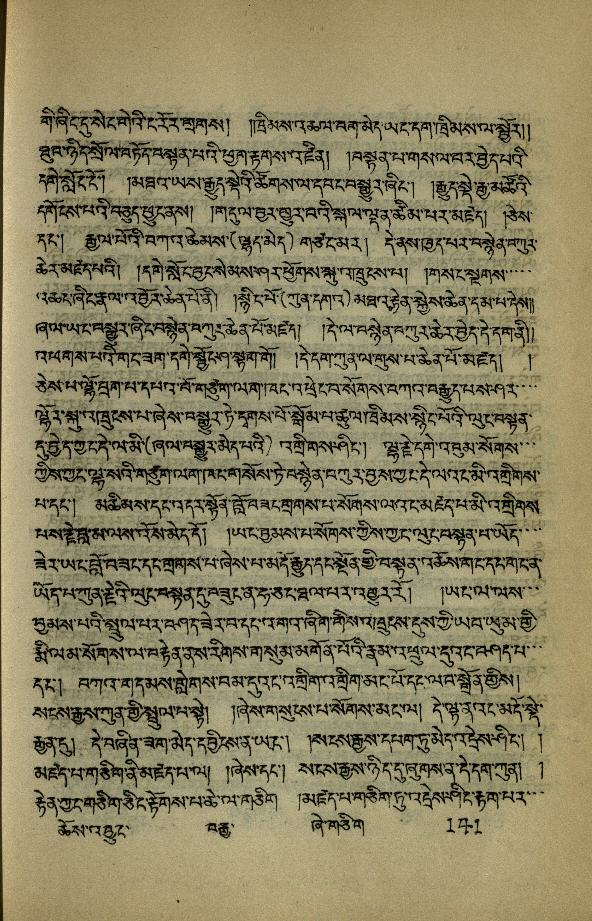གི་ཞིང་དུ་སེང་གེའི་ང་རོར་གྲགས། །ཁྲིམས་འཆལ་བག་མེད་ཡང་དག་ཁྲིམས་ལ་སྦྱོར།།
ཐུབ་ཉིད་སྲོལ་བཏོད་བསྟན་པའི་ཕྱག་རྟགས་འཛིན། །བསྟན་པ་གསལ་བར་བྱེད་པའི་
དགེ་སློང་ངོ། །མཐའ་ཡས་རྒྱུད་སྡེའི་ཚོགས་ལ་དབང་བསྒྱུར་ཞིང་། །རྒྱུད་སྡེ་རྒྱ་མཚོའི་
དགོངས་པའི་བཅུད་ཕྱུང་ནས། །གདུལ་བྱར་གྱུར་བའི་སྐལ་ལྡན་ཚིམ་པར་མཛད། །ཅེས་
དང་། རྒྱལ་པོའི་བཀའ་ཆེམས་ལྷད་མེད་གཙང་མར། དེ་ནས་ཁྱད་པར་བསྙེན་བཀུར་
ཆེར་མཛད་པའི། །དགེ་སློང་བྱང་སེམས་ཤར་ཕྱོགས་སྐུ་འཁྲུངས་པ། །གསང་སྔགས་
འཆང་ཞིང་རྣལ་འབྱོར་ཆེན་པོ་ནི། །སྙིང་པོ་ཀུན་དགའ་མཐའ་རྟེན་སྐྱེས་ཆེན་དམ་པ་དེས།།
ཞལ་ཡང་བསྒྱུར་ཞིང་བསྙེན་བཀུར་ཆེན་པོ་མཛད། །དེ་ལ་བསྙེན་བཀུར་ཆེར་བྱེད་དེ་དག་ནི།།
འཕགས་པའི་གང་ཟག་དགེ་སྦྱོང་ཤ་སྟག་གོ། །དེ་དག་ཀུན་ལ་གུས་པ་ཆེན་པོ་མཛད། །
ཅེས་པ་ལྷོ་བྲག་པ་དཔའ་བོ་གཙུག་ལག་ཁང་འཕྲེང་བ་སོགས་བཀའ་བརྒྱུད་པས་ཤར་
ལྷོར་སྐུ་འཁྲུངས་པ་ཞེས་བསྒྱུར་ཏེ་དྭགས་པོ་སྒོམ་པ་ཚུལ་ཁྲིམས་སྙིང་པོའི་ལུང་བསྟན་
དུ་བྱེད་ཀྱང་དེ་ལ་མི་ཞལ་བསྒྱུར་མེད་པའི་འགྲིགས་ཤིང་། ལྷ་རྗེ་དགེ་འབུམ་སོགས་
ཀྱིས་ཀྱང་ལྷ་སའི་གཙུག་ལག་ཁང་གསོས་ཏེ་བསྙེན་བཀུར་བྱས་ཀྱང་དེ་ལའང་མི་འགྲིགས་
པ་དང་། མཆིམས་དང་འདར་སྟོན་བློ་བཟང་གྲགས་པ་སོགས་ལའང་མཛད་པ་མི་འགྲིགས་
པས་རྗེ་བླ་མ་ལས་འོས་མེད་དོ། །ཡང་བྱམས་པ་སོགས་ཀྱིས་ཀྱང་ལུང་བསྟན་པ་ཡོད་
ཟེར་ཡང་བློ་བཟང་དང་གྲགས་པ་ཞེས་པ་མདོ་རྒྱུད་དང་སྔོན་གྱི་བསྟན་འཆོས་གང་དང་གང་ན་
ཡོད་པ་ཀུན་རྗེའི་ལུང་བསྟན་དུ་བཟུང་ན་ཧ་ཅང་ཐལ་པར་འགྱུར་རོ། །ཡང་ལ་ལས་
བྱམས་པའི་སྤྲུལ་པར་བཤད་ཟེར་བ་དང་འགའ་ཞིག་གིས་འཁྲུངས་དུས་ཀྱི་ཡབ་ཡུམ་གྱི་
རྨི་ལམ་སོགས་ལ་བརྟེན་ནས་རིགས་གསུམ་མགོན་པོའི་རྣམ་འཕྲུལ་དུའང་བཤད་པ་
དང་། བཀའ་གདམས་གླེགས་བ་མ་དུའང་འགྲིག་འགྲིག་མང་པོ་དང་ལ་ལྦ་སྒྲོན་གྱིས།
སངས་རྒྱས་ཀུན་གྱི་སྦྲུལ་པ་སྟེ། །ཞེས་གསུངས་པ་སོགས་མང་ལ། དེ་ལྟ་ནའང་མདོ་སྡེ་
རྒྱན་དུ། དེ་བཞིན་ཟག་མེད་དབྱིངས་ན་ཡང་། །སངས་རྒྱས་དཔག་ཏུ་མེད་འདྲེས་ཤིང་། །
མཛད་པ་གཅིག་ནི་མཛད་པ་ལ། །ཞེས་དང་། སངས་རྒྱས་ཉིད་དུ་ཞུགས་ན་དེ་དག་ཀུན། །
རྟེན་ཀྱང་གཅིག་ཅིང་རྟོགས་པ་ཆེ་ལ་གཅིག །མཛད་པ་གཅིག་ཏུ་འདྲེས་ཤིང་རྟག་པར་